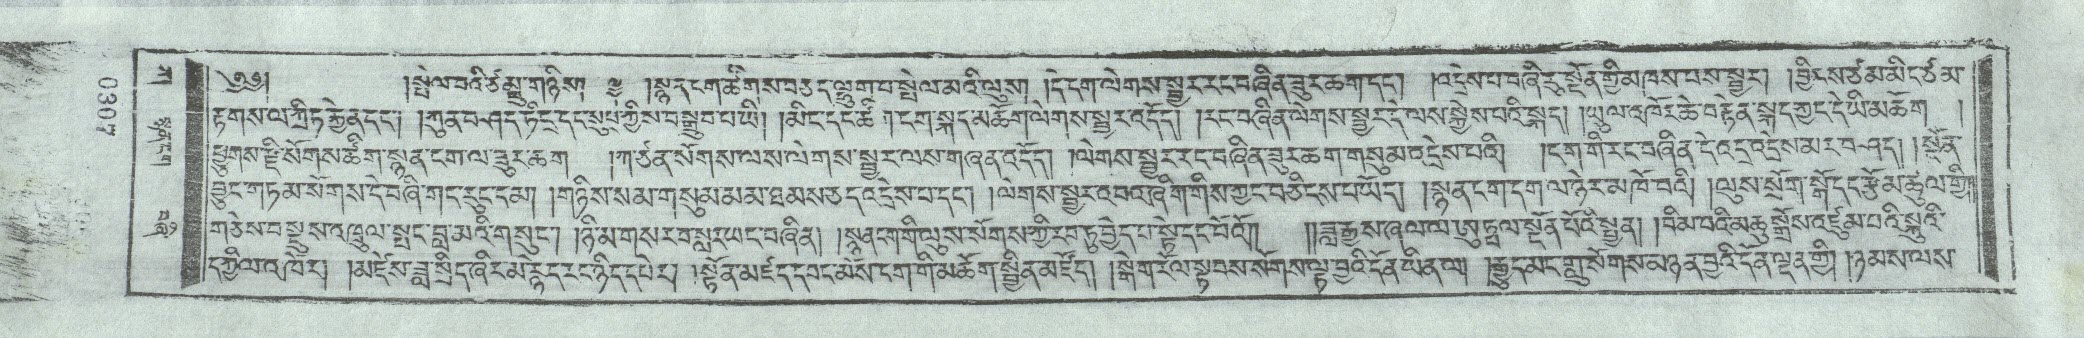༄༅། །སྤེལ་བའི་ཙ་མུ་གཉིས། ༈ །སྙན་ངག་ཚིགས་བཅད་ལྷུག་པ་སྤེལ་མའི་ལུས། །དེ་དག་ལེགས་སྦྱར་རང་བཞིན་ཟུར་ཆག་དང་། །འདྲེས་པ་བཞི་རུ་སྔོན་གྱི་མཁས་པས་སྦྱར། །བྱིང་ཙན་མིང་ཙམ་
རྟགས་ལ་ཀྲིཏ་རྐྱེན་དང་། །ཀུན་བཤད་ཏིདྲ་དང་སུ་པ་ཀྱིས་བསྒྲུབ་པ་ཡི། །མིང་དང་ཚིག་ངག་སྐད་མཆོག་ལེགས་སྦྱར་འདོད། །རང་བཞིན་ལེགས་སྦྱར་དེ་ལས་སྐྱེས་པའི་སྐད། །ཡུལ་འཁོར་ཆེ་བརྟེན་སྐད་ཀྱང་དེ་ཡི་མཆོག།
ཕྱུགས་རྫི་སོགས་ཚིག་སྙན་ངག་ལ་ཟུར་ཆག །ཀ་ཙན་སོགས་ལས་ལེགས་སྦྱར་ལས་གཞན་འདོད། །ལེགས་སྦྱར་རང་བཞིན་ཟུར་ཆག་གསུམ་འདྲེས་པའི། །ངག་གི་རང་བཞིན་དེ་འདྲ་འདྲེས་མར་བཤད། །སྔོན་
བྱུང་གཏམ་སོགས་དེ་བཞི་གང་དུང་དམ། །གཉིས་སམ་གསུམ་མམ་ཐམས་ཅད་འདྲེས་པ་དང་། །ལེགས་སྦྱར་འབའ་ཞིག་གིས་ཀྱང་བཅིངས་པ་ཡོད། །སྙན་ངག་དག་ལ་ཉེར་མཁོ་བའི། །ལུས་སྲོག་སྒོ་དང་རྩོམ་ཚུལ་གྱི།
གཅེས་བསྡུས་འཁྲུལ་སྤང་བླ་མའི་གསུང་། །ཉི་མ་གསར་བ་སླར་ཡང་བཞིན། །སྙན་ངག་གི་ལུས་སོགས་ཀྱི་རབ་ཏུ་བྱེད་པ་སྟེ་དང་པོའོ།། །།ཟླ་རྒྱས་ཞལ་ལ་ཨུཏྤལ་སྔོན་པོའི་སྤྱན། །བིམ་པའི་མཆུ་སྒྲོས་འཛུམ་པའི་སྐུའི་
དཀྱིལ་འཁོར། །མཛེས་ཟླ་སྲིད་ཞིང་མ་རྙེད་རང་ཉིད་དཔེར། །སྟོན་མཛད་དབང་མོས་དག་གི་མཆོག་སྦྱིན་མཛོད། །སྐེག་རོལ་སྟོབས་སོགས་ལྟ་བྱའི་དོན་ཡིན་ལ། །རྒྱུད་མང་གླུ་སོགས་མཉན་བྱའི་དོན་ལྡན་ཀྱི། ཉམས་ལས་